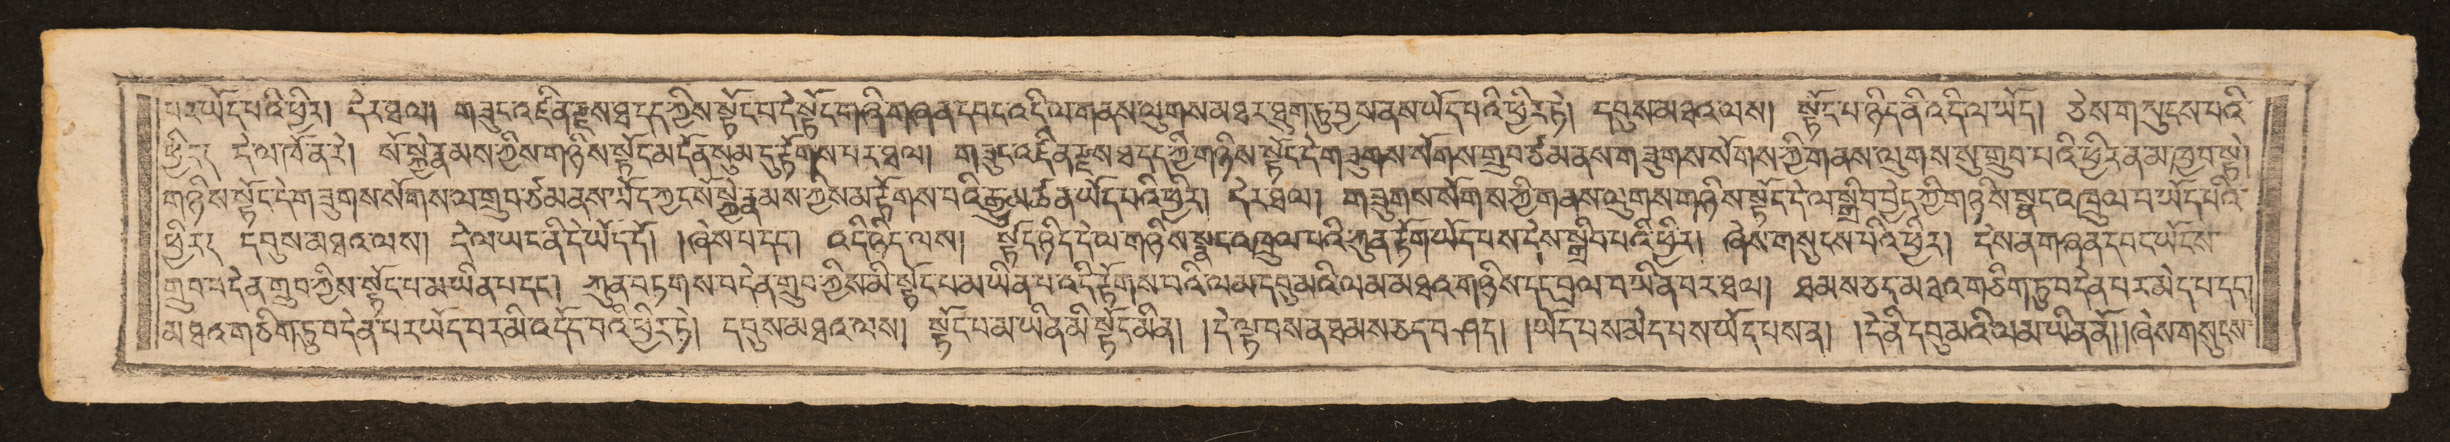པར་ཡོད་པའི་ཕྱིར། དེར་ཐལ། གཟུང་འཛིན་རྫས་ཐ་དད་ཀྱིས་སྟོང་པ་དེ་སྟོང་གཞི་གཞན་དབང་འདི་ལ་གནས་ལུགས་མཐར་ཐུག་ཏུ་བྱས་ནས་ཡོད་པའི་ཕྱིར་ཏེ། དབུས་མཐའ་ལས། སྟོང་པ་ཉིད་ནི་འདི་ལ་ཡོད། ཅེས་གསུངས་པའི་
ཕྱིར༑ དེ་ལ་ཁོ་ན་རེ། སོ་སྐྱེ་རྣམས་ཀྱིས་གཉིས་སྟོང་མངོན་སུམ་དུ་རྟོགས་པར་ཐལ། གཟུང་འཛིན་རྫས་ཐ་དད་ཀྱི་གཉིས་སྟོང་དེ་གཟུགས་སོགས་གྲུབ་ཙམ་ནས་གཟུགས་སོགས་ཀྱི་གནས་ལུགས་སུ་གྲུབ་པའི་ཕྱིར་ན་མ་ཁྱབ་སྟེ།
གཉིས་སྟོང་དེ་གཟུགས་སོགས་ལ་གྲུབ་ཙམ་ནས་ཡོད་ཀྱང་སོ་སྐྱེ་རྣམས་ཀྱིས་མ་རྟོགས་པའི་རྒྱུ་མཚན་ཡོད་པའི་ཕྱིར། དེར་ཐལ། གཟུགས་སོགས་ཀྱི་གནས་ལུགས་གཉིས་སྟོང་དེ་ལ་སྒྲིབ་བྱེད་ཀྱི་གཉིས་སྣང་འཁྲུལ་པ་ཡོད་པའི་
ཕྱིར༑ དབུས་མཐའ་ལས། དེ་ལ་ཡང་ནི་དེ་ཡོད་དོ། །ཞེས་པ་དང་། འདི་ཉིད་ལས། སྟོང་ཉིད་དེ་ལ་གཉིས་སྣང་འཁྲུལ་བའི་ཀུན་རྟོག་ཡོད་པས་དེས་སྒྲིབ་པའི་ཕྱིར། ཞེས་གསུངས་པའི་ཕྱིར། དེས་ན་གཞན་དབང་ཡོངས་
གྲུབ་བདེན་གྲུབ་ཀྱིས་སྟོང་པ་མ་ཡིན་པ་དང་། ཀུན་བཏགས་བདེན་གྲུབ་ཀྱིས་མི་སྟོང་པ་མ་ཡིན་པ་འདི་རྟོགས་པའི་ལམ་དབུ་མའི་ལམ་མཐའ་གཉིས་དང་བྲལ་བ་ཡིན་པར་ཐལ། ཐམས་ཅད་མཐའ་གཅིག་ཏུ་བདེན་པར་མེད་པ་དང་།
མཐའ་གཅིག་ཏུ་བདེན་པར་ཡོད་པར་མི་འདོད་པའི་ཕྱིར་ཏེ། དབུས་མཐའ་ལས། སྟོང་པ་མ་ཡིན་མི་སྟོང་མིན། །དེ་ལྟ་བས་ན་ཐམས་ཅད་བཤད། །ཡོད་པས་མེད་པས་ཡོད་པས་ན། །དེ་ནི་དབུ་མའི་ལམ་ཡིན་ནོ། །ཞེས་གསུངས་